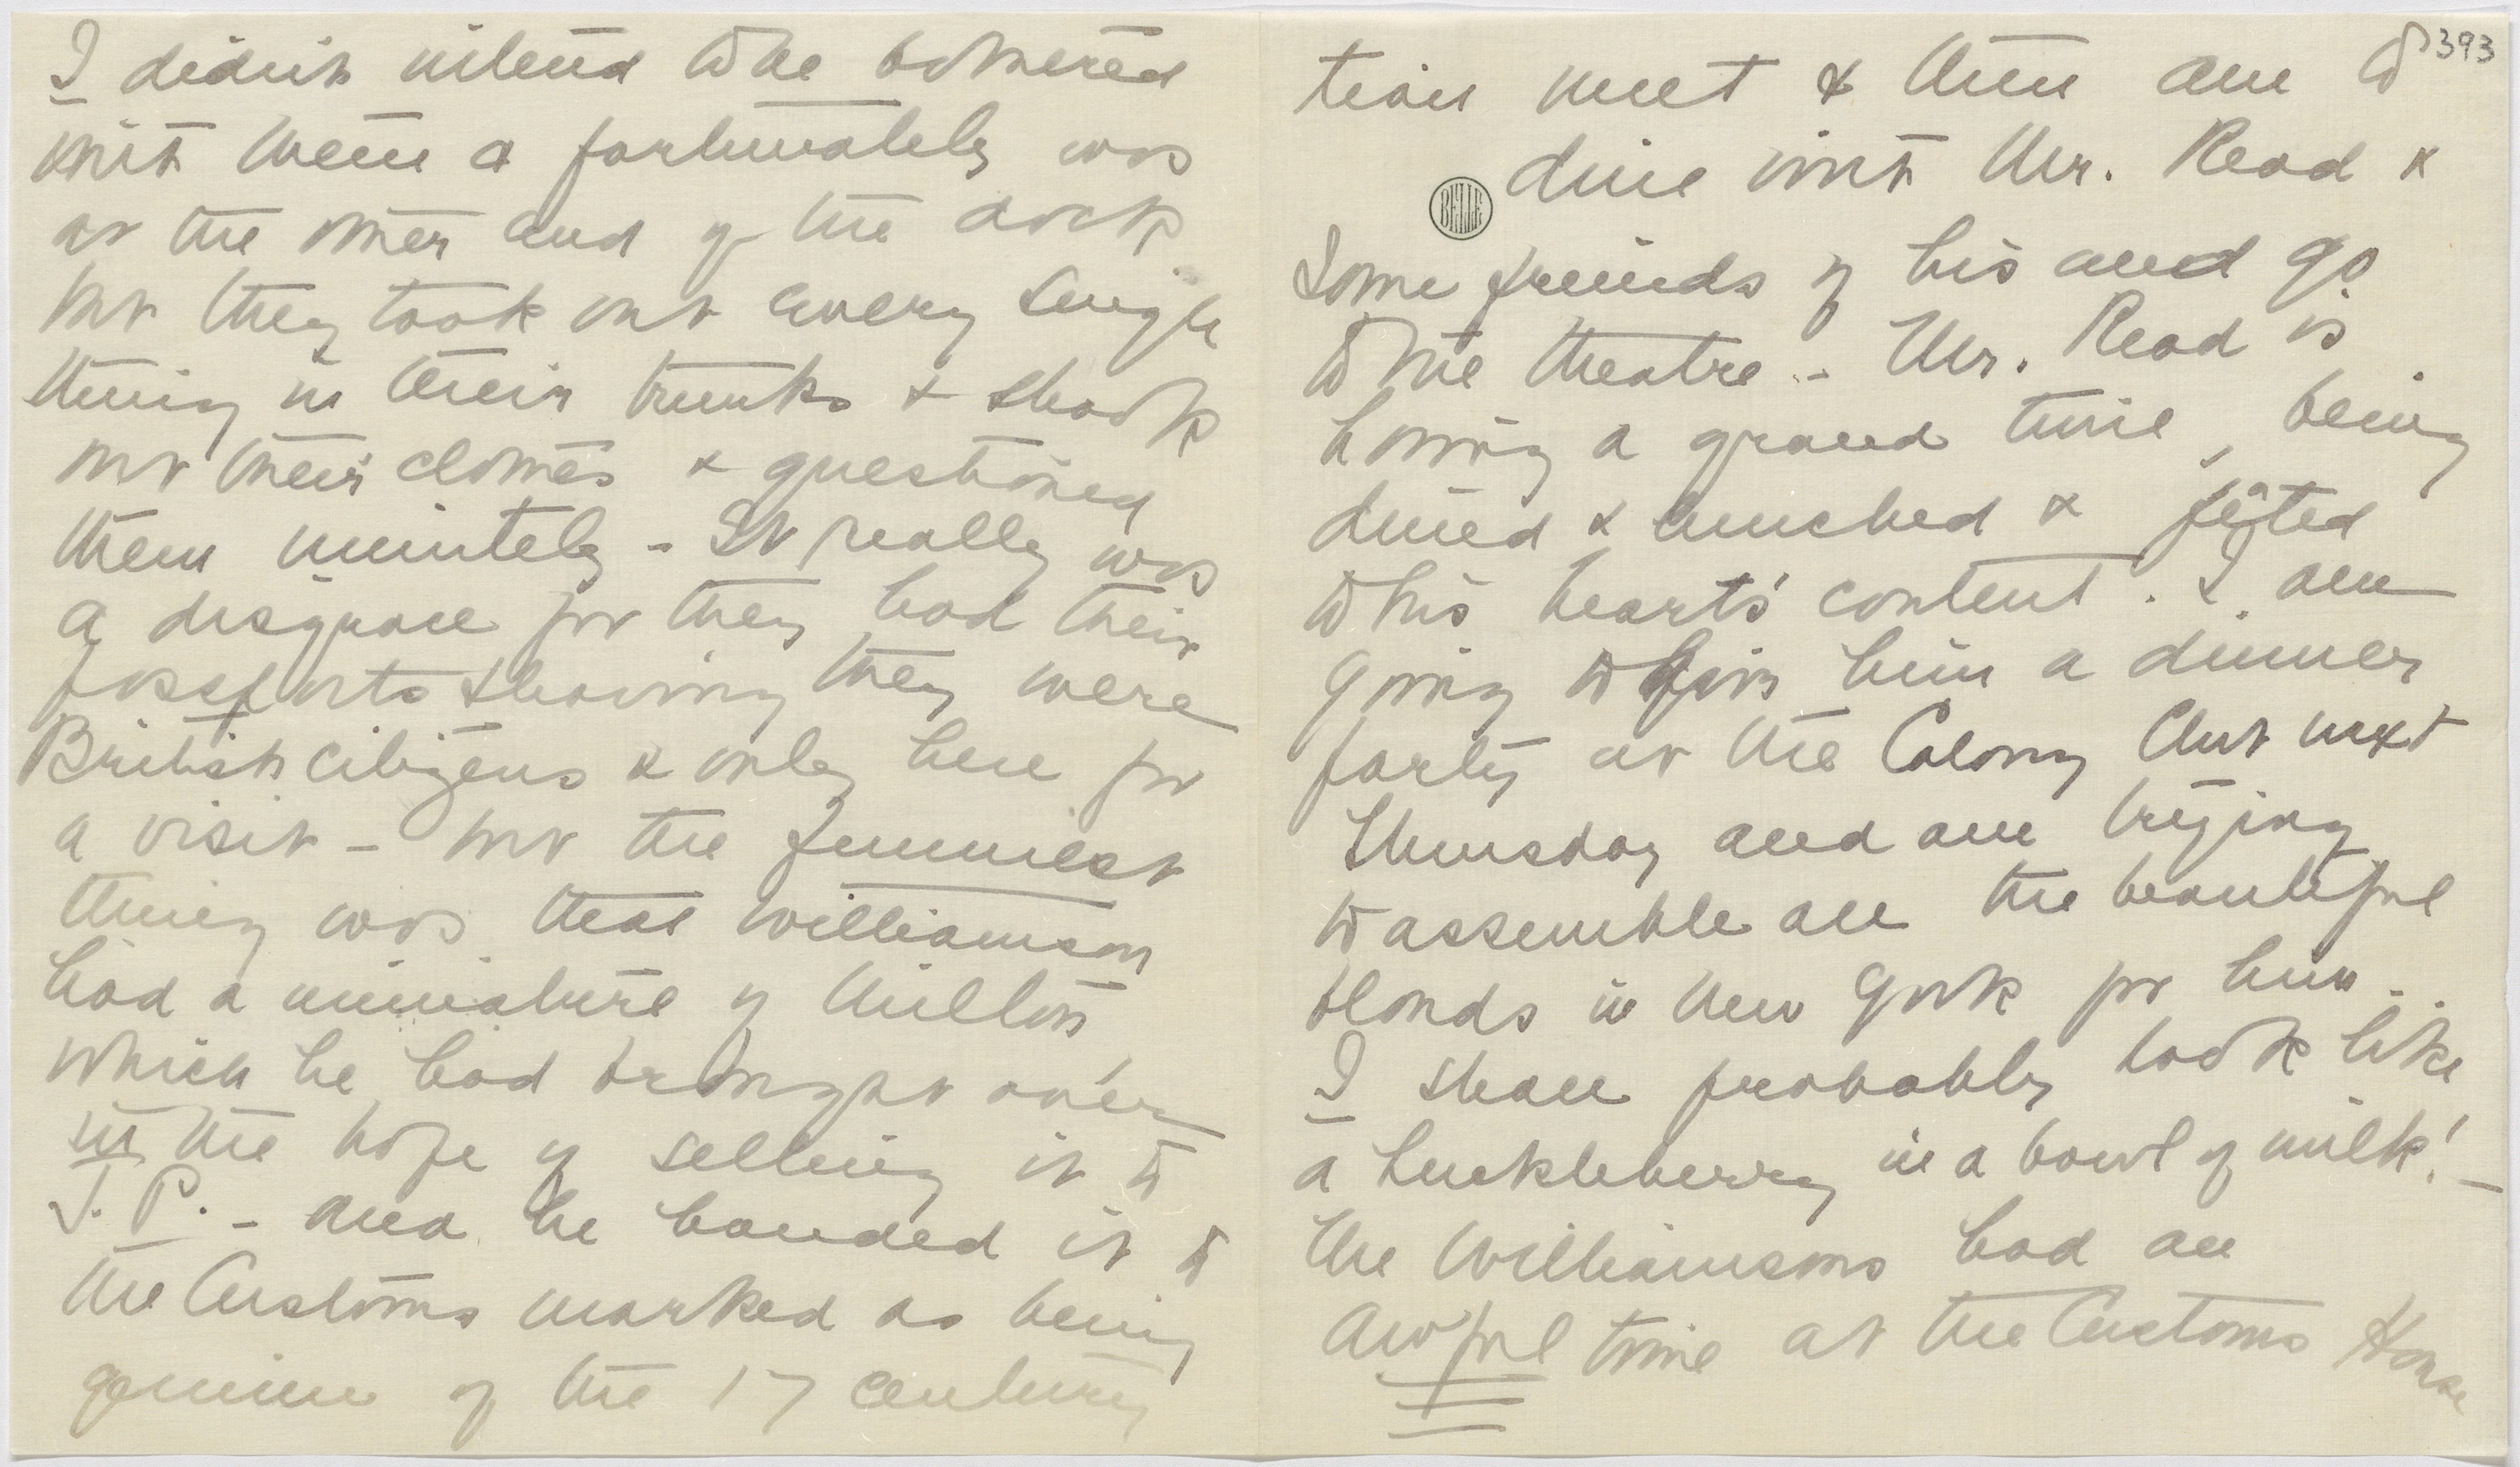meet & then am to dine with Mr. Read & some friends of his and go to the theatre – Mr. Read is having a grand time, being dined & lunched & fêted to his heart’s content. I am going to give him a dinner party at the Colony Club next Thursday and am trying to assemble all the beautiful blonds in New York for him. I shall probably look like a huckleberry in a bowl of milk! – the Williamsons had an [triple underlined: awful] time at the Customs House
I didn’t intend to be bothered with them & fortunately was at the other end of the dock but they took out every single thing in their trunks & shook out their clothes & questioned them minutely – It really was a disgrace for they had their passports showing they were British citizens & only here for a visit – but the funniest thing was that Williamson had a miniature of Milton, which he had brought over in the hope of selling it to J. P. – and he handed it to the Customs marked as being genuine of the 17 century